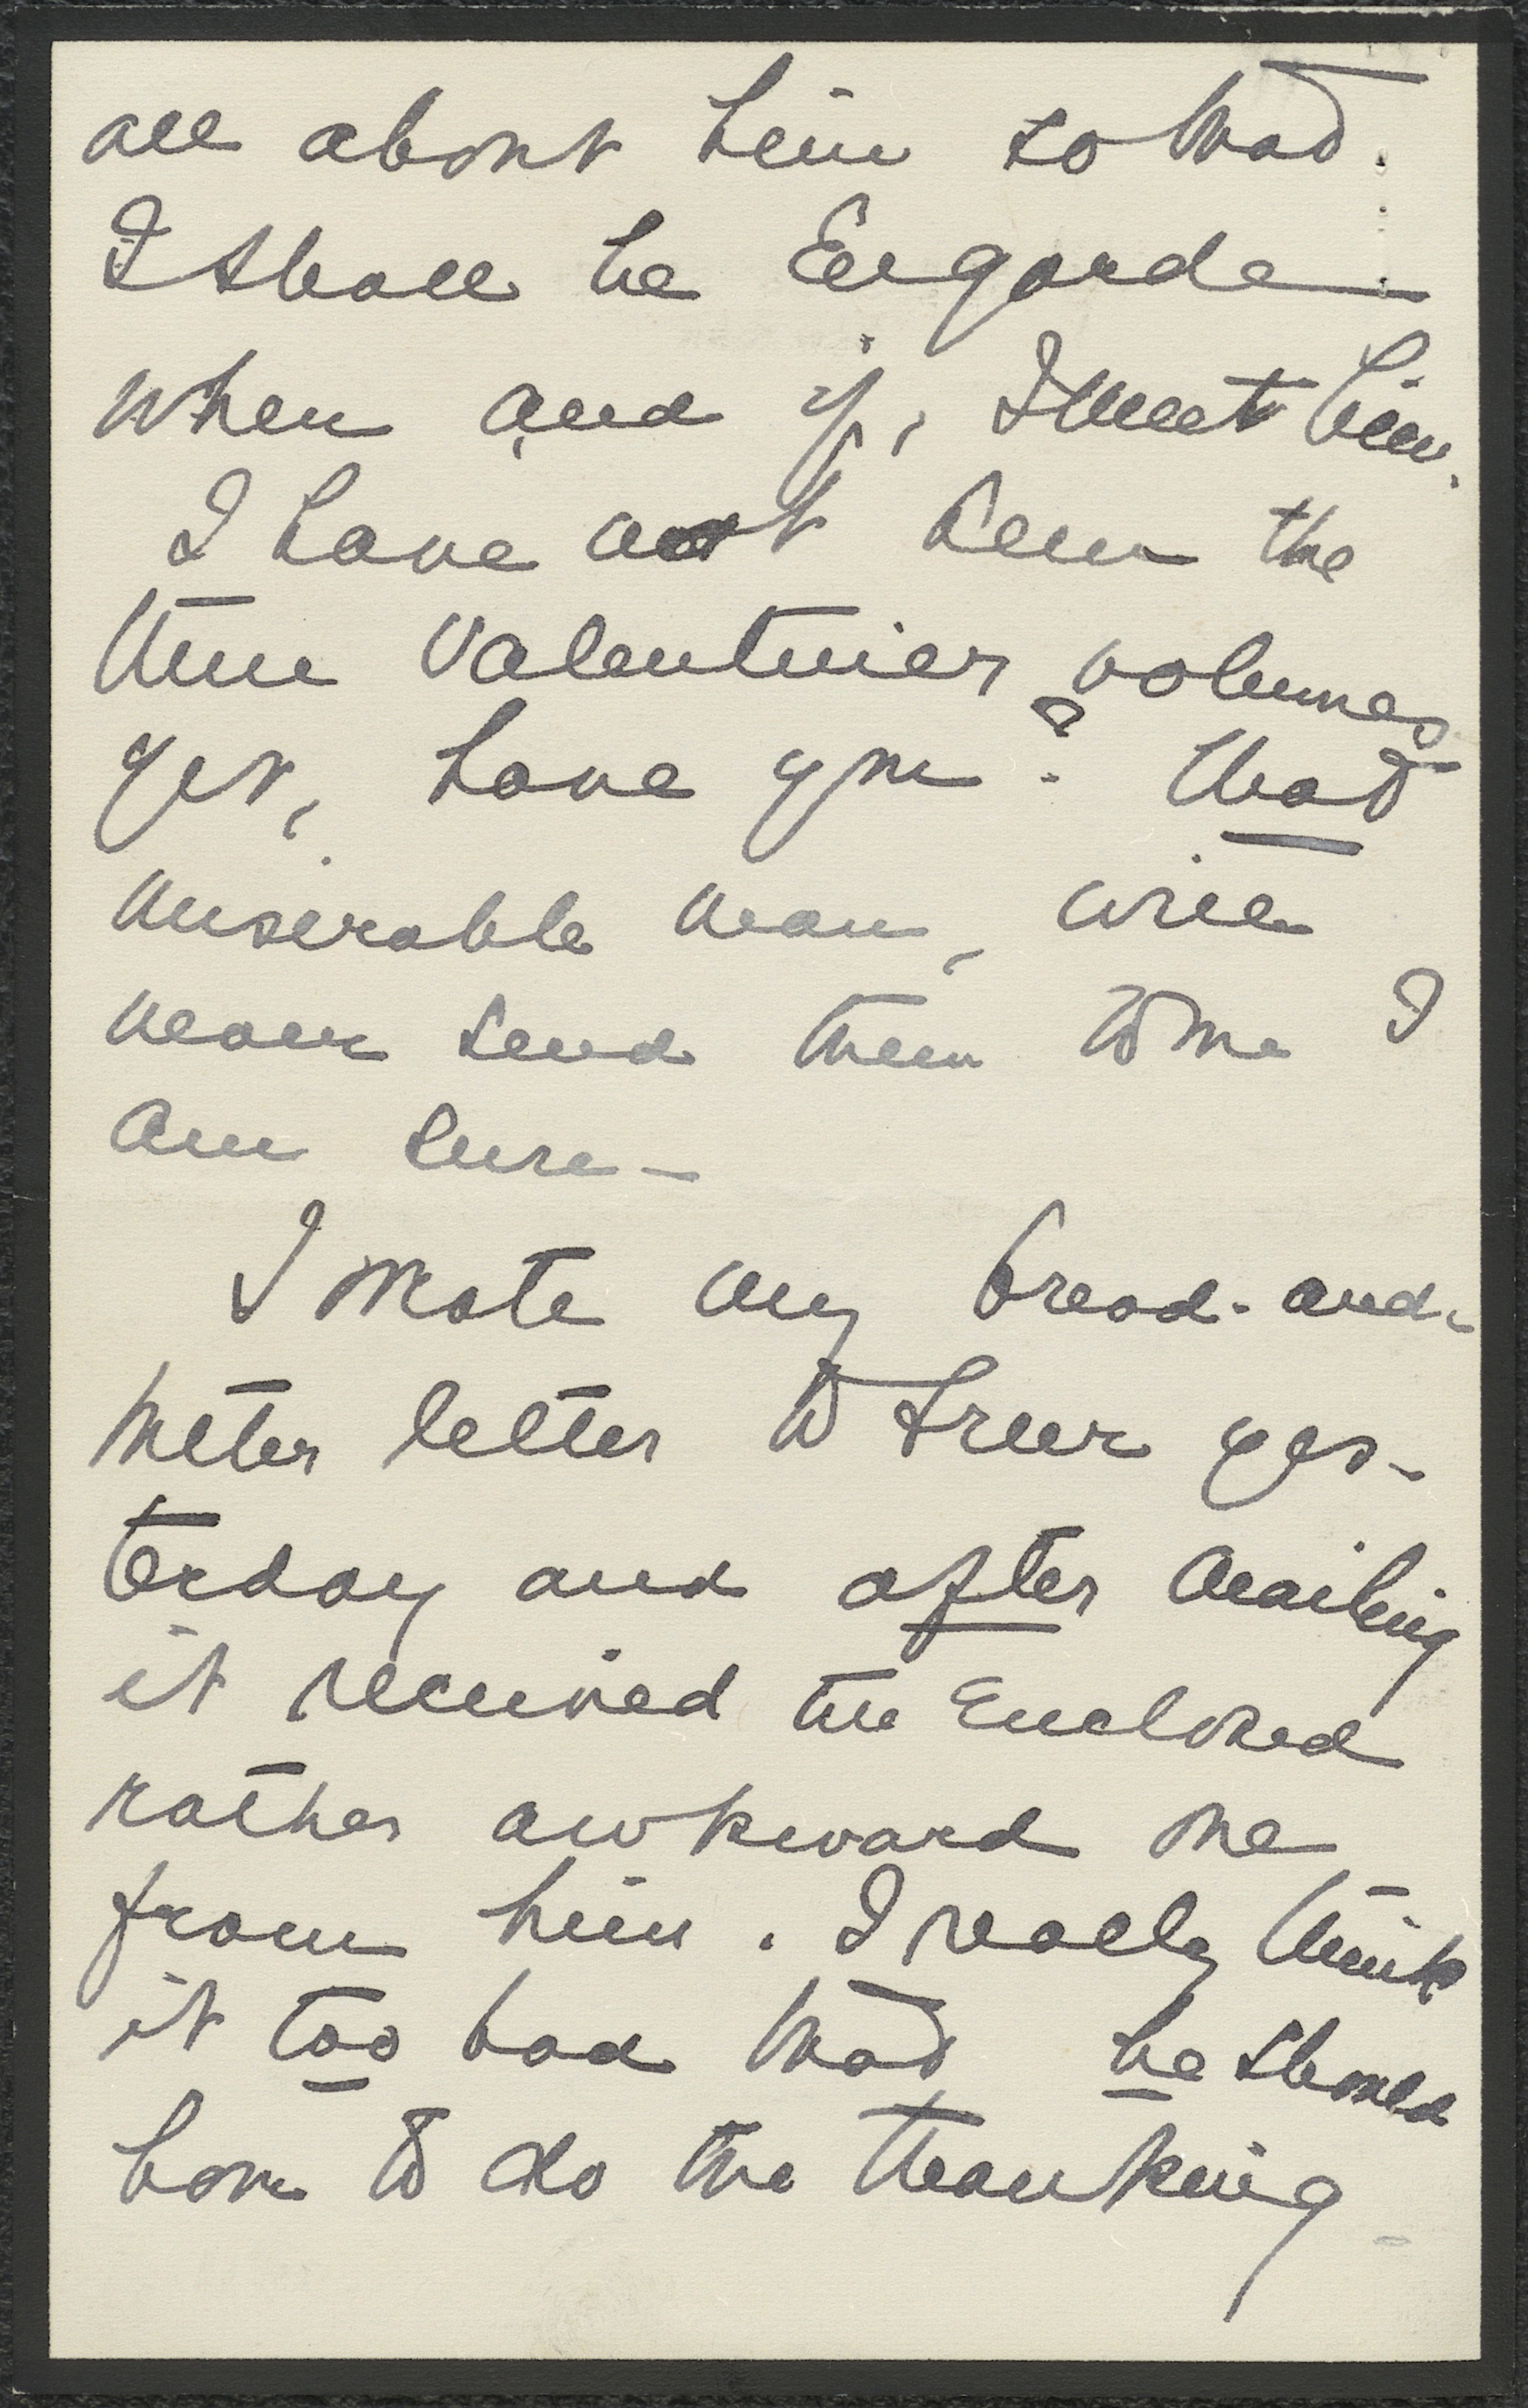all about him so that I shall be en garde when and if I meet him.
I have not seen the three Valentiner volumes yet, have you? That miserable man, will never send them to me I am sure –
I wrote my bread-and-butter letter to Freer yesterday and after mailing it received the enclosed rather awkward one from him. I really think it too bad that he should have to do the thanking